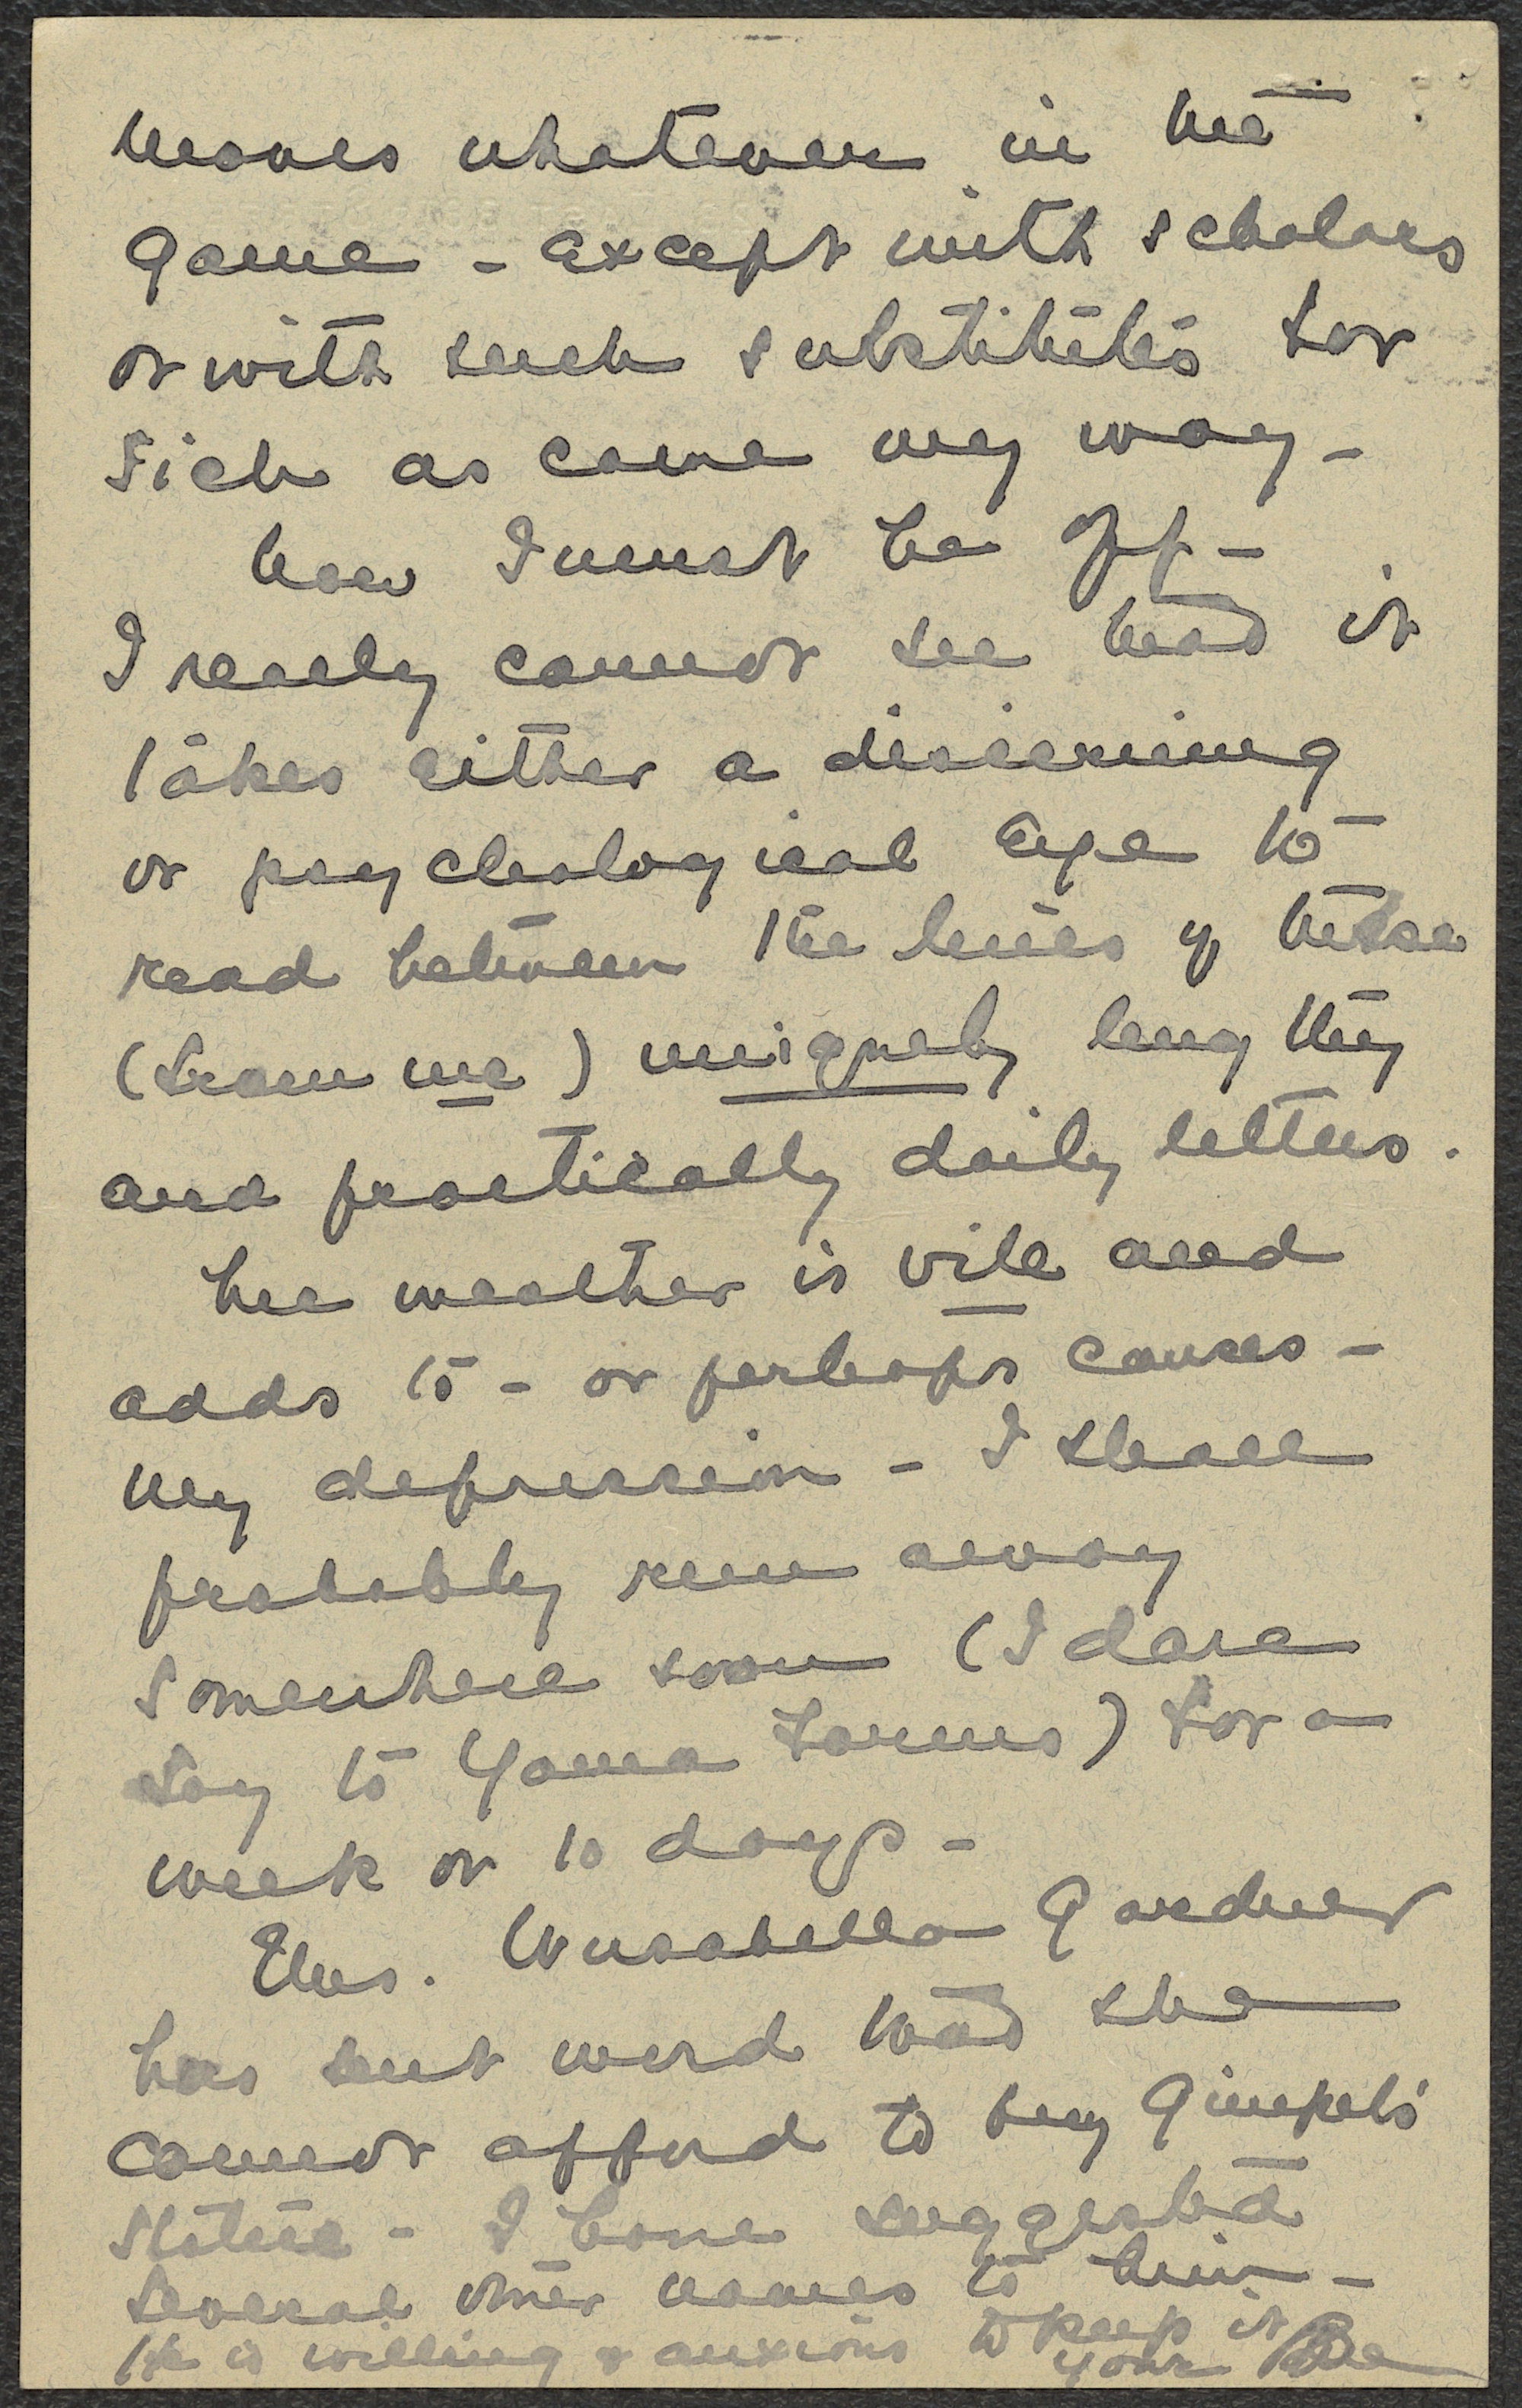moves whatever in the game – except with scholars or with such substitutes for sich as came my way –
Now I must be off – I really cannot see that it takes either a discerning or psychological eye to read between the lines of these (from me) uniquely lengthy and practically daily letters.
The weather is vile and adds to – or perhaps causes – my depression – I shall probably run away somewhere soon (I day say to Yama Farms) for a week to 10 days –
Mrs. Wusabella Gardner has sent word that she cannot afford to buy Gimpel’s statue – I have suggested several other names to him – He is wiling & anxious to keep it
Your Belle